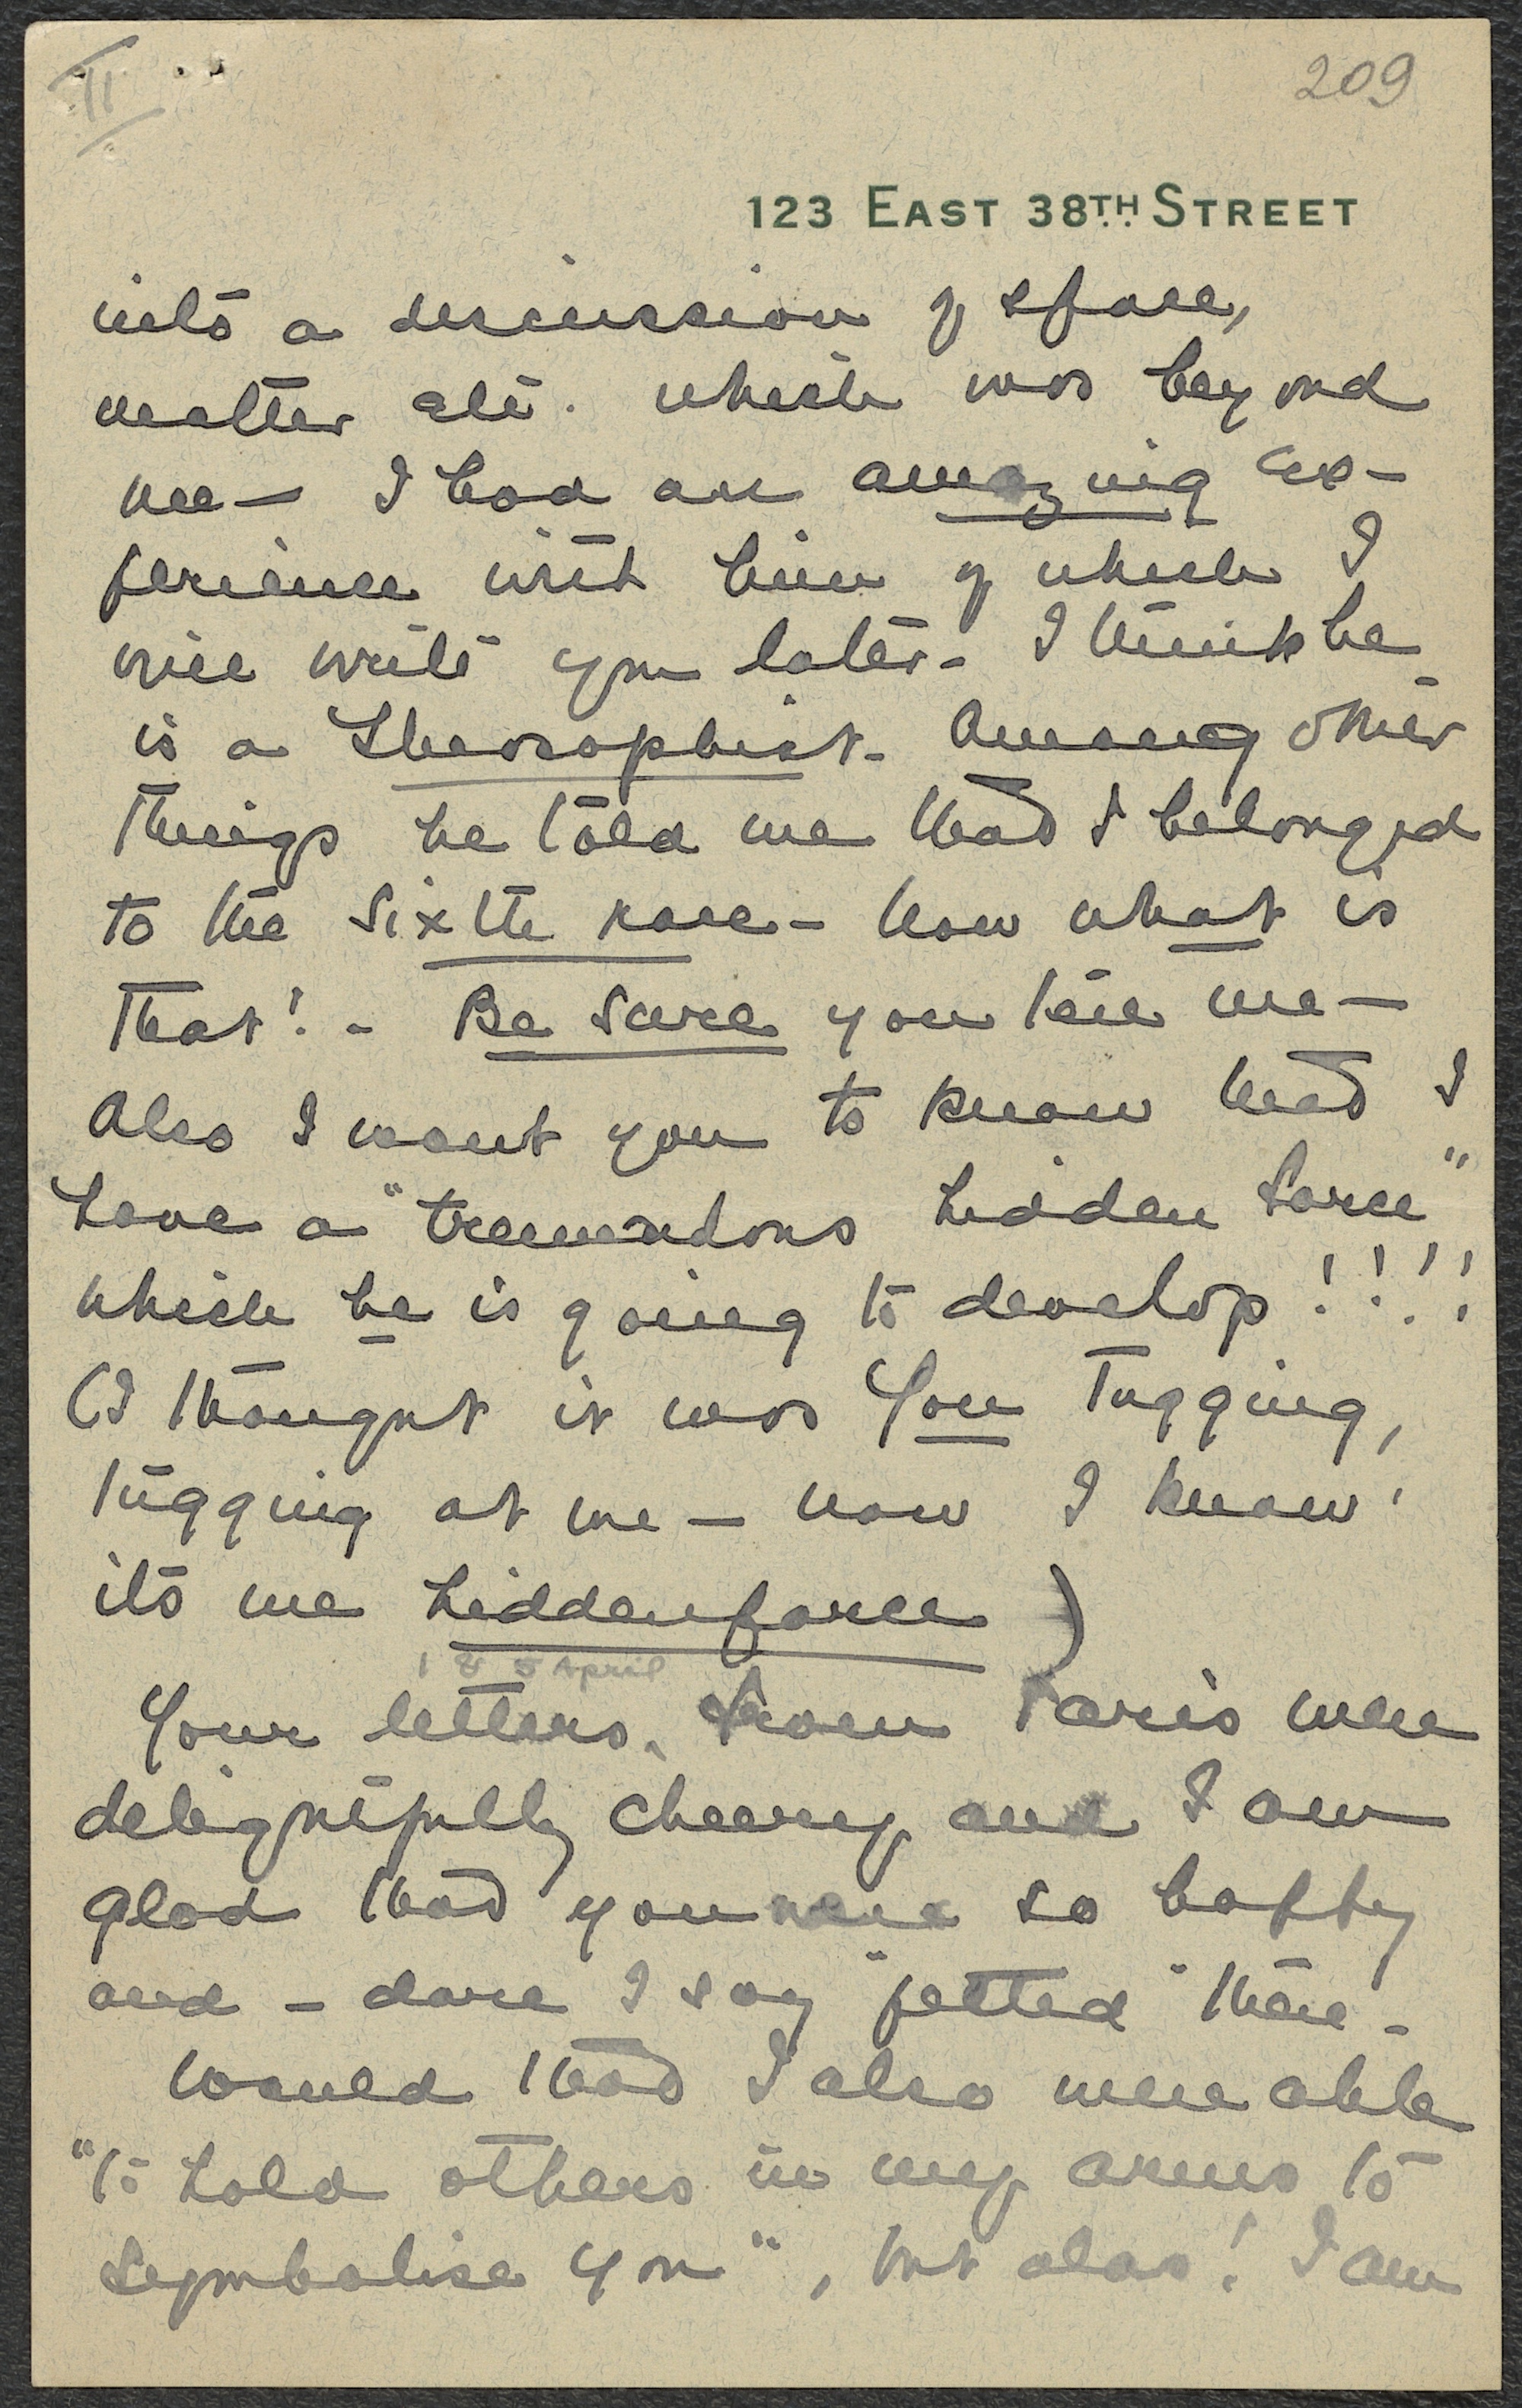into a discussion of space, matter etc, which was beyond me – I had an amazing experience with him of which I will write you later – I think he is a Theosophist – among other things he told me that I belonged to the sixth race – now what is that! – Be sure you tell me – also I want you to know that I have a “tremendous hidden force” which he is going to develop !!!! (I thought it was you tugging, tugging at me – now I know its me hiddenforce)
Your letters [^1 & 5 April^] from Paris were delightfully cheery and I am glad that you were so happy and – dare I say “petted” there – Would that I also were able “to hold others in my arms to symbolize you”, but alas! I am